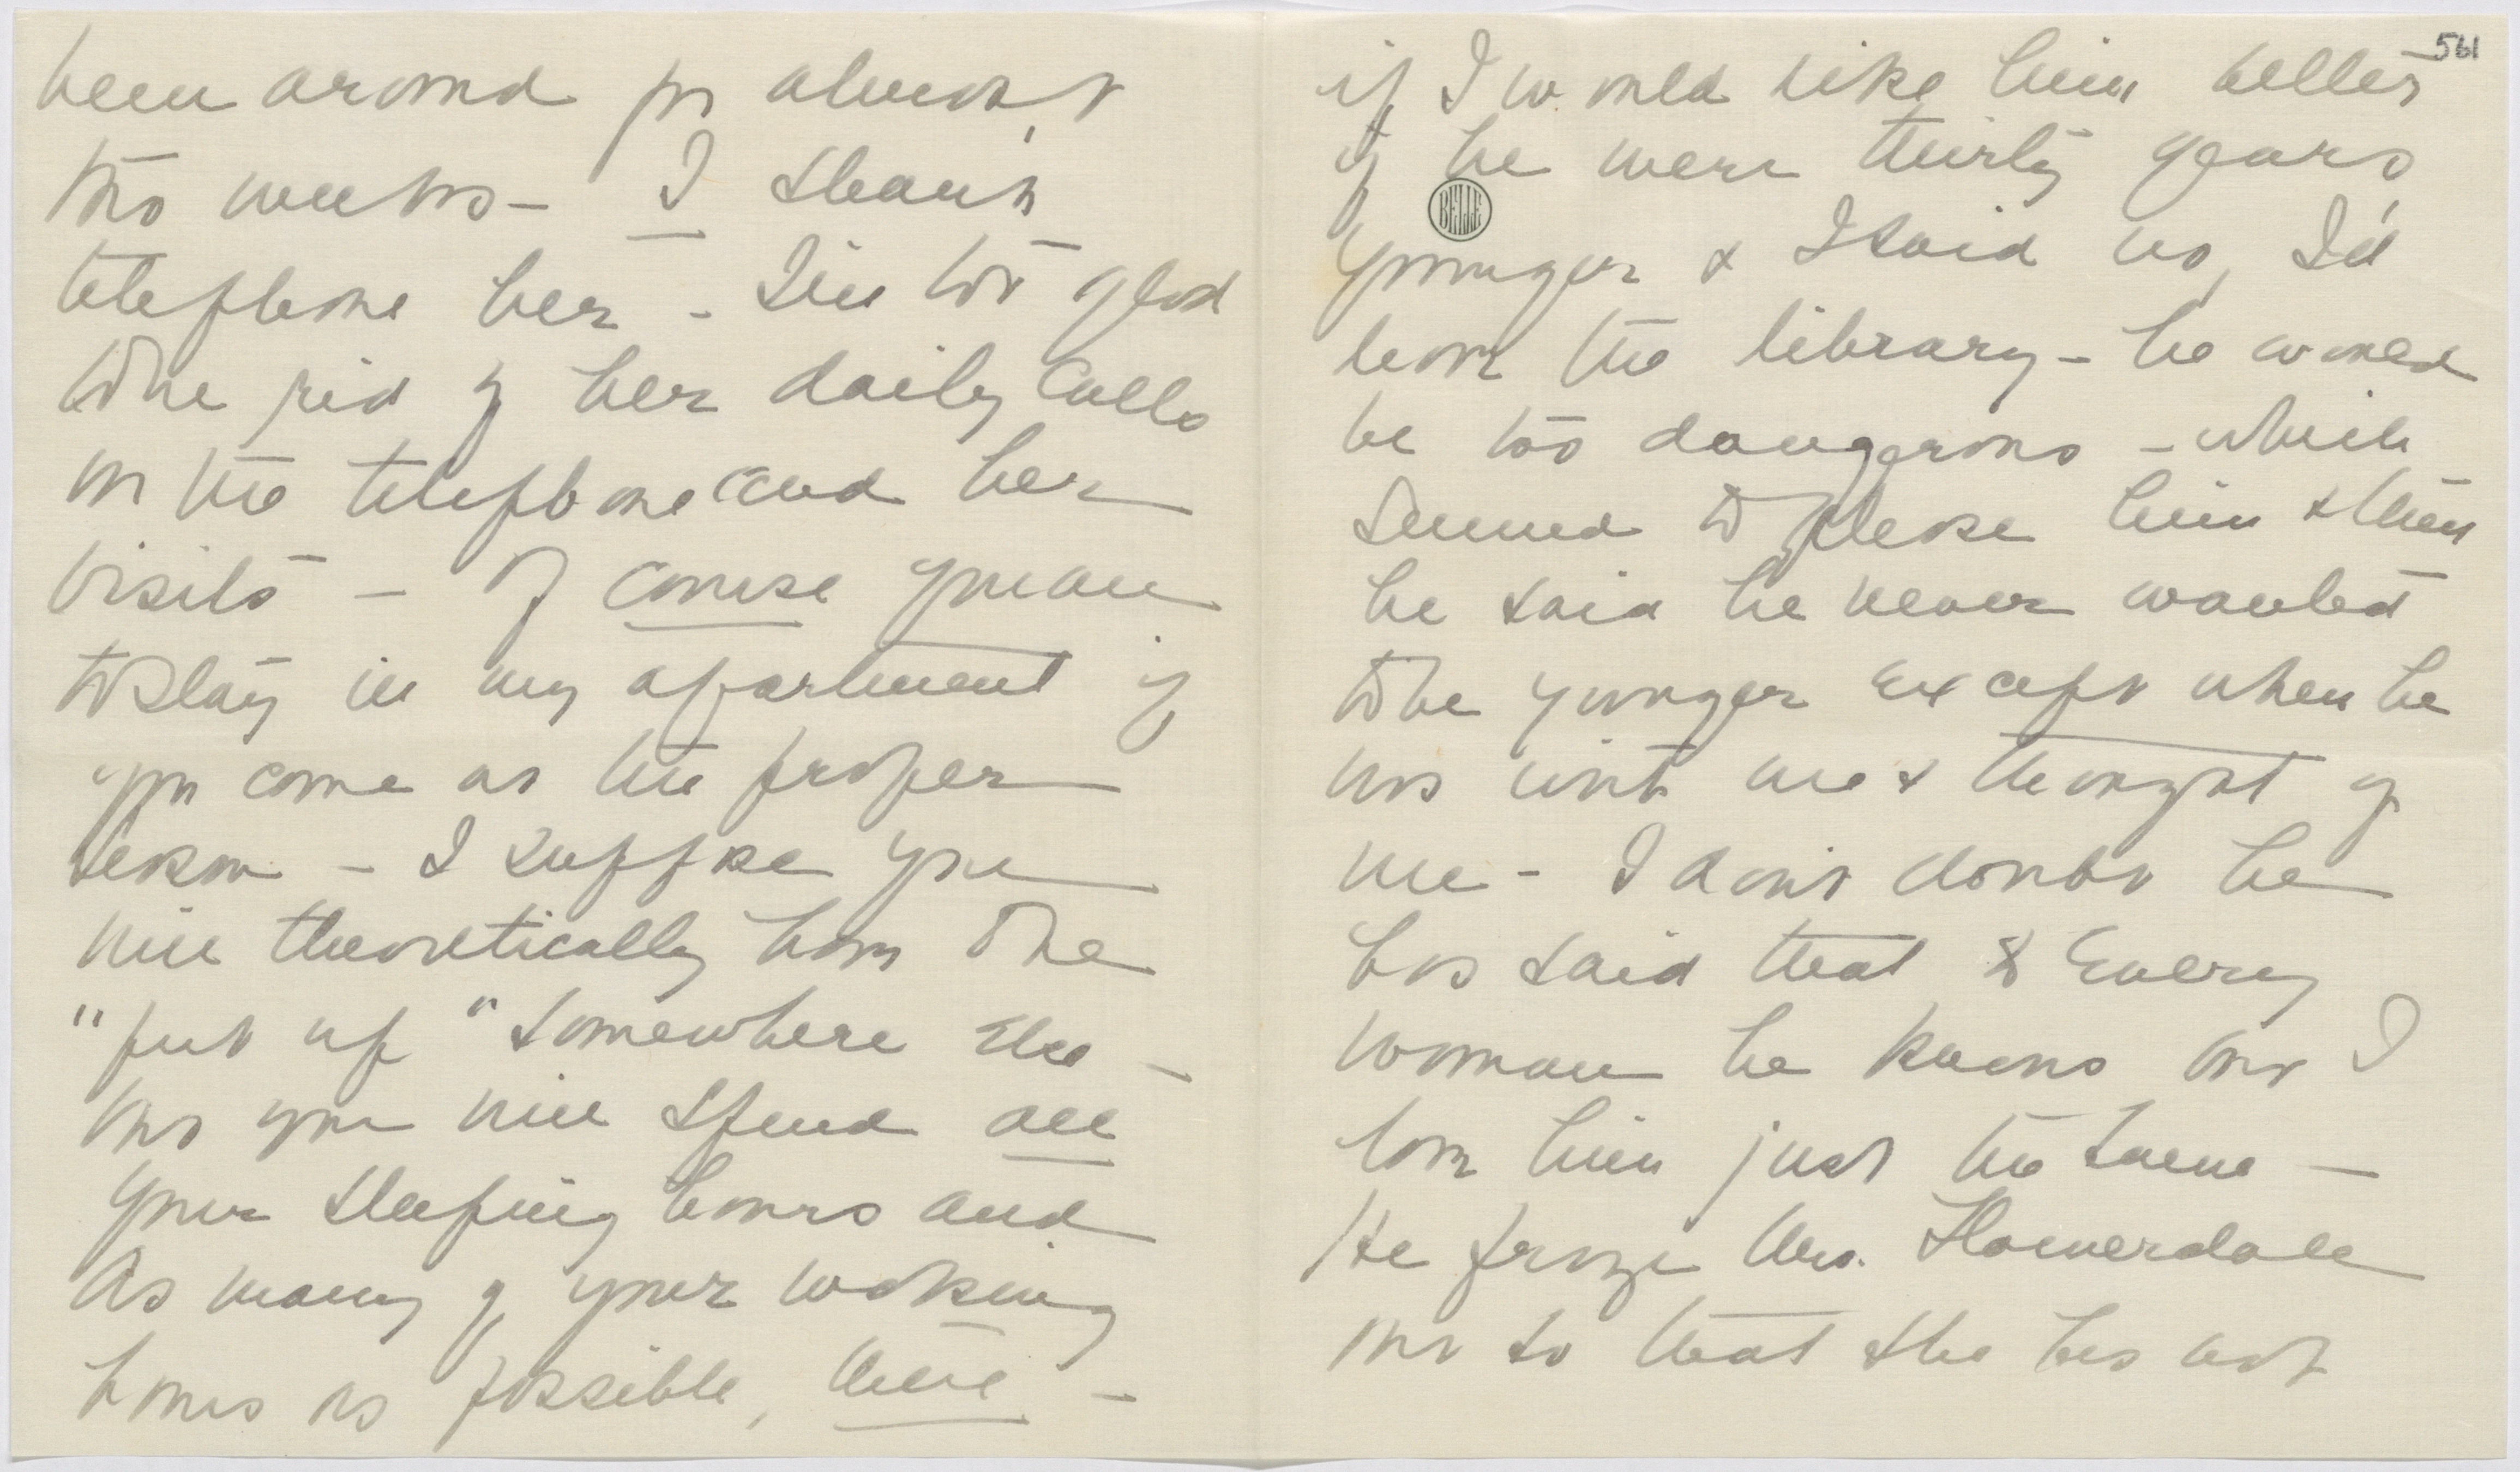if I would like him better if he were thirty years younger & I said no I’d leave the library – he would be too dangerous – which seemed to please him & then he said he never wanted to be younger except when he was with me & thought of me – I don’t doubt he has said that to every woman he knows but I love him just the same –
He froze Mrs. Flowerdale out so that she has not
been around for almost two weeks – I shan’t telephone her – I’m too glad to be rid of her daily calls on the telephone and her visits – of course you are to stay in my apartment if you come at the proper season – I suppose you will theoretically have to be “put up” somewhere else – but you will spend all your sleeping hours and as many of your waking hours as possible, there –